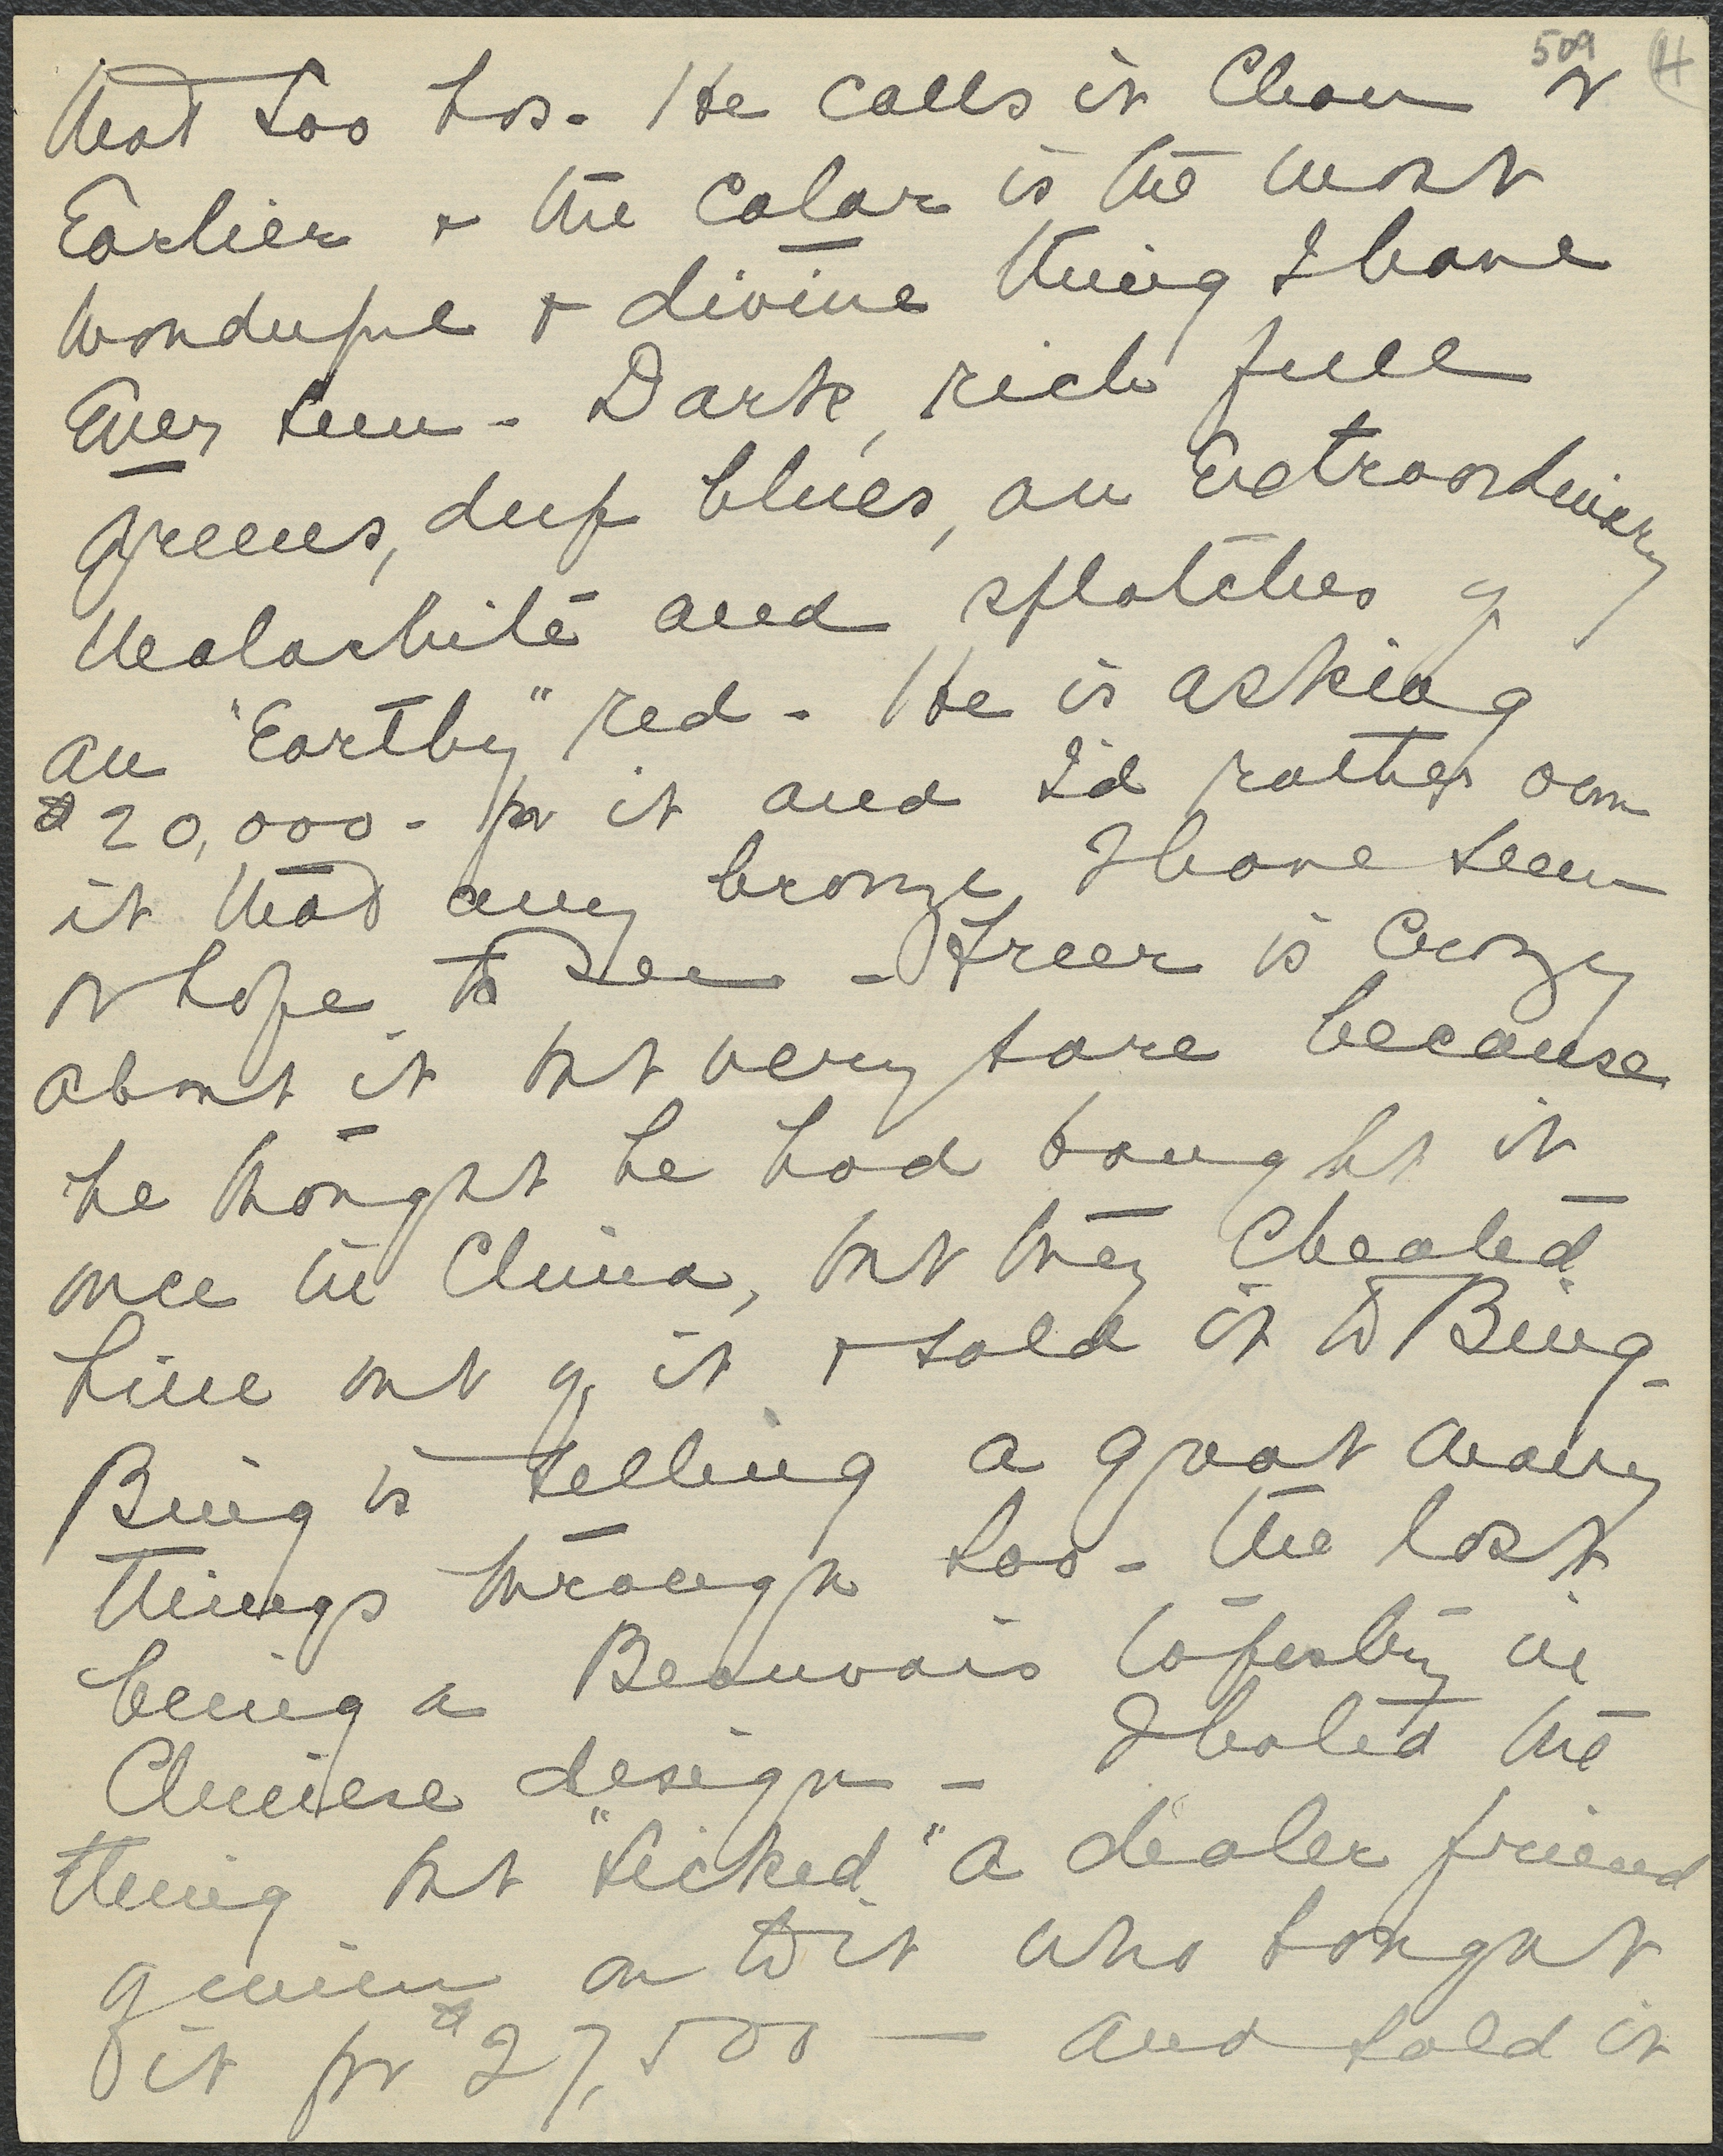that Loo has. He calls it Chan or earlier & the color is the most wonderful & divine thing I have ever seen – Dark, rich full greens, deep blues, an extraordinary malachite and splotches of an "earthy" red – He is asking $20,000 – for it and I'd rather own it that [sic] any bronze I have seen or hope to see – Freer is crazy about it but very sore because he thought he had bought it once in China, but they cheated him out of it & sold it to Bing – Bing is selling a great many things through Loo – the last being a Beauvais tapestry in Chinese design – I hated the thing but "sicked" a dealer friend of mine on to it who bought it for $27,500 – and sold it